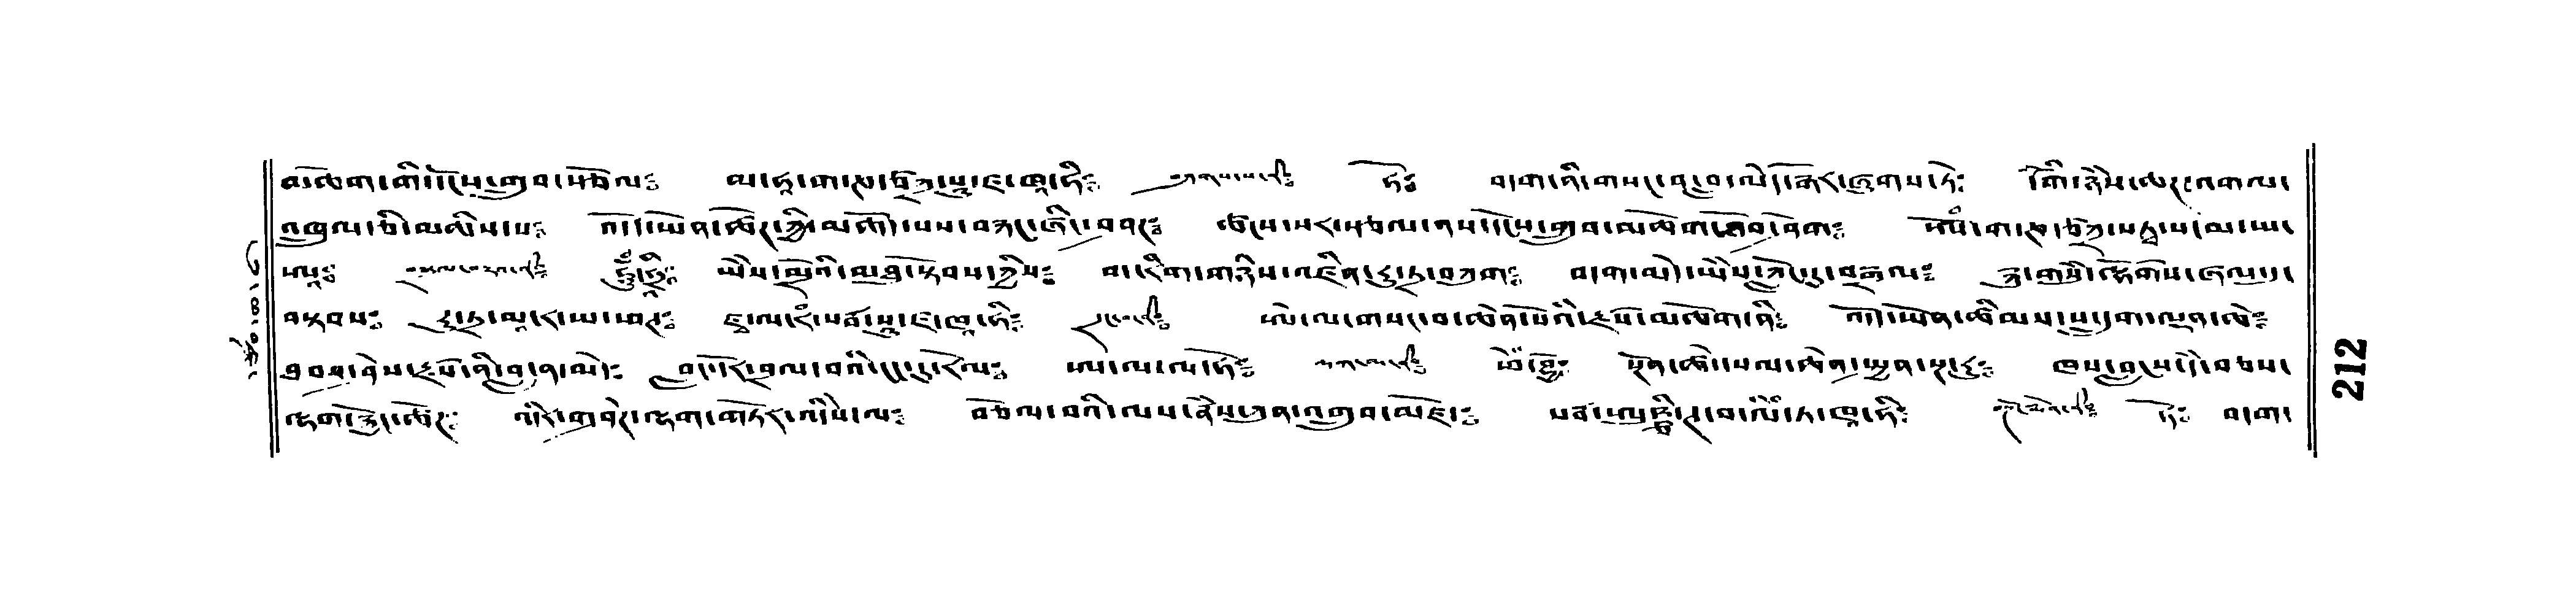མཆོག་གི་དངོས་གྲུབ་སྩོལ༔ མ་ཧཱ་ག་ཎ་ཙཀྲ་པཱུ་ཛ་ཁཱ་ཧི༔ བཤགས་པ་ནི༔ ཧོཿ བདག་ནི་གསང་བ་བླ་མེད་སྒོར་ཞུགས་ཏེ༔ དམ་ཚིག་ཉམས་ཆགས་འགལ་
འཁྲུལ་ཅི་མཆིས་པ༔ འདོད་ཡོན་ཚོགས་ཀྱི་མཆོད་པས་བསྐང་ཞིང་བཤགས༔ ཚངས་པར་བསྩལ་ནས་དངོས་གྲུབ་མཆོག་ཐོབ་ཤོག༔ ཨོཾ་ག་ཎ་ཙཀྲ་ས་ཏྭ་ས་མ་ཡ་
ཨཱཿ བསྒྲལ་བསྟབ་ནི༔ ཧཱུྃ་ཧྲཱིཿ ཡེ་ཤེས་མཁའ་འགྲོའི་མཐུ་སྟོབས་ཀྱིས༔ མ་རིག་གཉིས་འཛིན་རུ་ཏྲ་བཀུག༔ བདག་མེད་ཡེ་ཤེས་ཀློང་དུ་བསྒྲལ༔ སྐུ་གསུམ་ལྷ་ཚོགས་ཞལ་དུ་
བསྟབས༔ རུ་ཏྲ་མཱ་ར་ཡ་ཕཊ༔ ཛྭ་ལ་རཾ་སརྦ་པཱུ་ཛ་ཁཱ་ཧི༔ དྲང་བ་ནི༔ ཨེ་མ་གསང་བ་ཆེན་པོའི་རྫས་མཆོག་ནི༔ འདོད་ཡོན་ཚིམས་པ་དྲུག་ལྡན་ཆེ༔ 
ཐབས་ཤེས་རྫས་ནི་བླ་ན་མེད༔ བླང་དོར་བྲལ་བའི་ངང་དུ་རོལ༔ ཨ་ལ་ལ་ཧོ༔ ལྷག་མ་ནི༔ ཕེཾ་བྷྱོཿསྔོན་ཚེ་དཔལ་ཆེན་སྤྱན་སྔ་རུ༔ ཁས་བླངས་དམ་བཅས་
ལྷག་སྐྱོང་ཚོགས༔ འདིར་གཤེགས་ལྷག་གཏོར་འདི་ཤེས་ལ༔ བཅོལ་བའི་ལས་རྣམས་ཀུན་འགྲུབ་མཛོད༔ སརྦ་ཨུ་ཙྪིཥྚ་བ་ལིཾ་ཏ་ཁཱ་ཧི༔ བསྔོ་སྨོན་ནི༔ ཧོཿ བདག་